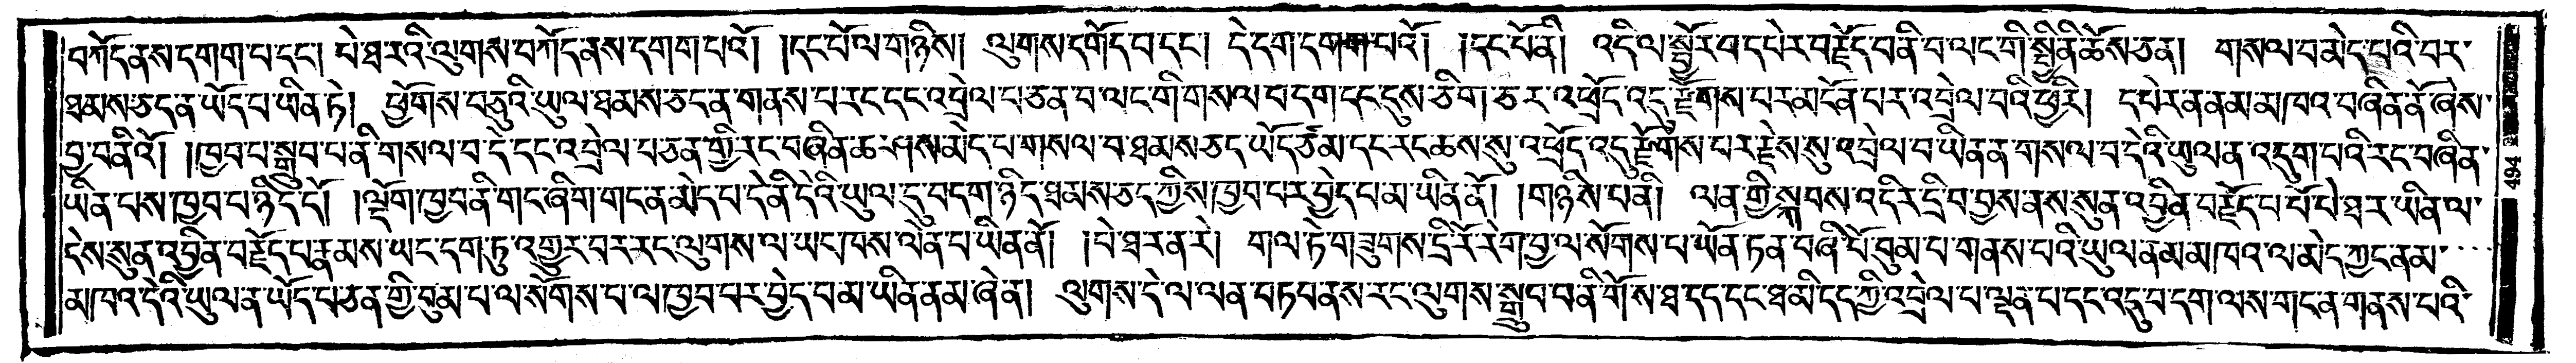བཀོད་ནས་དགག་པ་དང་། པེ་ཐ་རའི་ལུགས་བཀོད་ནས་དགག་པའོ། །དང་པོ་ལ་གཉིས། ལུགས་དགོད་པ་དང་། དེ་དག་དགག་པ་འོ། །དང་པོ་ནི། འདི་ལ་སྦྱོར་བ་དཔེར་བརྗོད་པ་ནི་བ་ལང་གི་སྤྱི་ནི་ཆོས་ཅན། གསལ་བ་མེད་པའི་བར་
ཐམས་ཅད་ན་ཡོད་པ་ཡིན་ཏེ། ཕྱོགས་བཅུའི་ཡུལ་ཐམས་ཅད་ན་གནས་པ་རང་དང་འབྲེལ་པ་ཅན་བ་ལང་གི་གསལ་བ་དག་དང་དུས་ཅིག་ཅར་འཕྲོད་འདུ་རྫོགས་པར་མངོན་པར་འབྲེལ་བའི་ཕྱིར། དཔེར་ན་ནམ་མཁའ་བཞིན་ནོ་ཞེས་
བྱ་བ་ནིའོ། །ཁྱབ་པ་སྒྲུབ་པ་ནི་གསལ་བ་དེ་དང་འབྲེལ་པ་ཅན་གྱི་རང་བཞིན་ཆ་ཤས་མེད་པ་གསལ་བ་ཐམས་ཅད་ཡོད་ཙམ་དང་རང་ཆས་སུ་འཕྲོད་འདུ་རྫོགས་པར་རྗེས་སུ་འབྲེལ་བ་ཡིན་ན་གསལ་བ་དེའི་ཡུལ་ན་འདུག་པའི་རང་བཞིན་
ཡིན་པས་ཁྱབ་པ་ཉིད་དོ། །ལྡོག་ཁྱབ་ནི་གང་ཞིག་གང་ན་མེད་པ་དེ་ནི་དེའི་ཡུལ་དུ་བདག་ཉིད་ཐམས་ཅད་ཀྱིས་ཁྱབ་པར་བྱེད་པ་མ་ཡིན་ནོ། །གཉིས་པ་ནི། ལན་གྱི་སྐབས་འདིར་དྲི་བ་བྱས་ནས་སུན་འབྱིན་བརྗོད་པ་པོ་པེ་ཐ་ར་ཡིན་ལ་
དེས་སུན་འབྱིན་བརྗོད་པ་རྣམས་ཡང་དག་ཏུ་འགྱུར་བར་རང་ལུགས་ལ་ཡང་ཁས་ལེན་པ་ཡིན་ནོ། །པེ་ཐ་ར་ན་རེ། གལ་ཏེ་གཟུགས་དྲི་རོ་རེག་བྱ་ལ་སོགས་པ་ཡོན་ཏན་བཞི་པོ་བུམ་པ་གནས་པའི་ཡུལ་ནམ་མཁའ་ལ་མེད་ཀྱང་ནམ་
མཁའ་དེའི་ཡུལ་ན་ཡོད་པ་ཅན་གྱི་བུམ་པ་ལ་སོགས་པ་ལ་ཁྱབ་པར་བྱེད་པ་མ་ཡིན་ནམ་ཞེ་ན། ལུགས་དེ་ལ་ལན་བཏབ་ནས་རང་ལུགས་སྒྲུབ་པ་ནི་གོ་ས་ཐ་དད་དང་ཐ་མི་དད་ཀྱི་འབྲེལ་པ་ལྡན་པ་དང་འདུ་བ་དག་ལས་གང་ན་གནས་པའི་